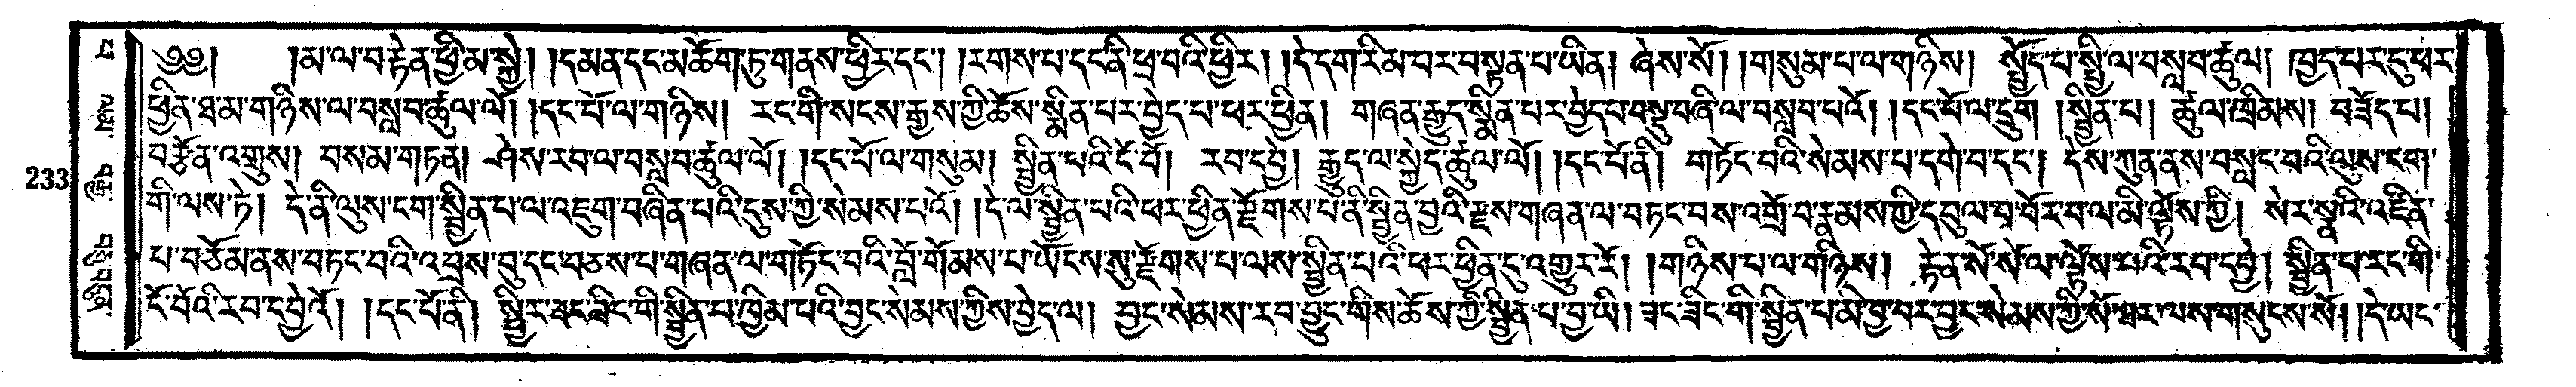༄༅། །མ་ལ་བརྟེན་ཕྱི་མ་སྐྱེ། །དམན་དང་མཆོག་ཏུ་གནས་ཕྱིར་དང་། །རགས་པ་དང་ནི་ཕྲ་བའི་ཕྱིར། །དེ་དག་རིམ་པར་བསྟན་པ་ཡིན། ཞེས་སོ། །གསུམ་པ་ལ་གཉིས། སྤྱོད་པ་སྤྱི་ལ་བསླབ་ཚུལ། ཁྱད་པར་དུ་ཕར་
ཕྱིན་ཐ་མ་གཉིས་ལ་བསླབ་ཚུལ་ལོ། །དང་པོ་ལ་གཉིས། རང་གི་སངས་རྒྱས་ཀྱི་ཆོས་སྨིན་པར་བྱེད་པ་ཕར་ཕྱིན། གཞན་རྒྱུད་སྨིན་པར་བྱེད་པ་བསྡུ་བཞི་ལ་བསླབ་པའོ། །དང་པོ་ལ་དྲུག ། །སྦྱིན་པ། ཚུལ་ཁྲིམས། བཟོད་པ།
བརྩོན་འགྲུས། བསམ་གཏན། ཤེས་རབ་ལ་བསླབ་ཚུལ་ལོ། །དང་པོ་ལ་གསུམ། སྦྱིན་པའི་ངོ་བོ། རབ་དབྱེ། རྒྱུད་ལ་སྐྱེད་ཚུལ་ལོ། །དང་པོ་ནི། གཏོང་བའི་སེམས་པ་དགེ་བ་དང་། དེས་ཀུན་ནས་བསླང་བའི་ལུས་ངག་
གི་ལས་ཏེ། དེ་ནི་ལུས་ངག་སྦྱིན་པ་ལ་འཇུག་བཞིན་པའི་དུས་ཀྱི་སེམས་པའོ། །དེ་ལ་སྦྱིན་པའི་ཕར་ཕྱིན་རྫོགས་པ་ནི་སྦྱིན་བྱའི་རྫས་གཞན་ལ་བཏང་བས་འགྲོ་བ་རྣམས་ཀྱི་དབུལ་བ་བོར་བ་ལ་མི་ལྟོས་ཀྱི། སེར་སྣའི་འཛིན་
པ་བཅོམ་ནས་བཏང་བའི་འབྲས་བུ་དང་བཅས་པ་གཞན་ལ་གཏོང་བའི་བློ་གོམས་པ་ཡོངས་སུ་རྫོགས་པ་ལས་སྦྱིན་པའི་ཕར་ཕྱིན་དུ་འགྱུར་རོ། །གཉིས་པ་ལ་གཉིས། རྟེན་སོ་སོ་ལ་ལྟོས་པའི་རབ་དབྱེ། སྦྱིན་པ་རང་གི་
ངོ་བོའི་རབ་དབྱེའོ། །དང་པོ་ནི། སྤྱིར་ཟང་ཟིང་གི་སྦྱིན་པ་ཁྱིམ་པའི་བྱང་སེམས་ཀྱིས་བྱེད་ལ། བྱང་སེམས་རབ་བྱུང་གིས་ཆོས་ཀྱི་སྦྱིན་པ་བྱ་ཡི། ཟང་ཟིང་གི་སྦྱིན་པ་མི་བྱ་བར་བྱང་སེམས་ཀྱི་སོ་ཐར་ལས་གསུངས་སོ། །དེ་ཡང་